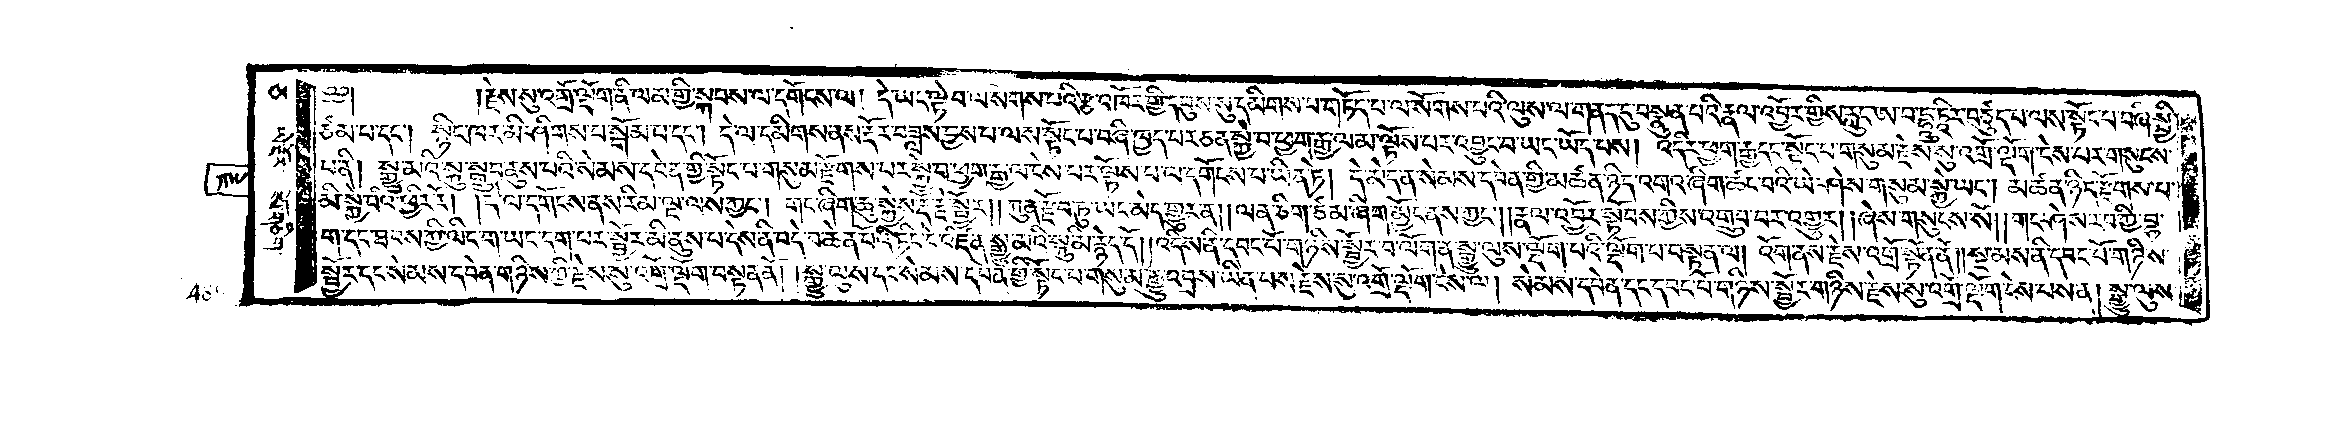༄༅། །རྗེས་སུ་འགྲོ་ལྡོག་ནི་ལམ་གྱི་སྐབས་ལ་དགོངས་ལ། དེ་ཡང་ལྟེ་བ་ལ་སོགས་པའི་རྩ་འཁོར་གྱི་དབུས་སུ་དམིགས་པ་གཏོད་པ་ལ་སོགས་པའི་ལུས་ལ་གནད་དུ་བསྣུན་པའི་རྣལ་འབྱོར་གྱིས་རླུང་ཨ་བ་དྷཱུ་ཏཱིར་བཙུད་པ་ལས་སྟོང་པ་བཞི་སྤྱི་
ཙམ་པ་དང་། སྙིང་ཁར་མི་ཤིགས་པ་སྒོམ་པ་དང་། དེ་ལ་དམིགས་ནས་རྡོར་བཟླས་བྱས་པ་ལས་སྟོང་པ་བཞི་ཁྱད་པར་ཅན་སྐྱེ་བ་ཕྱག་རྒྱ་ལ་མ་ལྟོས་པར་འབྱུང་བ་ཡང་ཡོད་པས། འདིར་ཕྱག་རྒྱ་དང་སྟོང་པ་གསུམ་རྗེས་སུ་འགྲོ་ལྡོག་ངེས་པར་གསུངས་
པ་ནི། སྒྱུ་མའི་སྐུ་སྒྲུབ་ནུས་པའི་སེམས་དབེན་གྱི་སྟོང་པ་གསུམ་རྫོགས་པར་སྐྱེ་བ་ཕྱག་རྒྱ་ལ་ངེས་པར་ལྟོས་པ་ལ་དགོངས་པ་ཡིན་ཏེ། དེ་མེད་ན་སེམས་དབེན་གྱི་མཚན་ཉིད་འགའ་ཞིག་ཚང་བའི་ཡེ་ཤེས་གསུམ་སྐྱེ་ཡང་། མཚན་ཉིད་རྫོགས་པ་
མི་སྐྱེ་བའི་ཕྱིར་རོ། །དེ་ལ་དགོངས་ནས་རིམ་ལྔ་ལས་ཀྱང་། གང་ཞིག་ཆུ་སྐྱེས་རྡོ་རྗེ་སྦྱོར། །ཀུན་རྫོབ་ཏུ་ཡང་མེད་གྱུར་ན། །ལན་ཅིག་ཙམ་ཞིག་མྱོང་ནས་ཀྱང་། །རྣལ་འབྱོར་སྟོབས་ཀྱིས་འགྲུབ་པར་འགྱུར། །ཞེས་གསུངས་སོ། །གང་ཤེས་རབ་ཀྱི་བྷ་
ག་དང་ཐབས་ཀྱི་ལིང་ག་ཡང་དག་པར་སྦྱོར་མི་ནུས་པ་དེས་ནི་བདེ་བ་ཆེན་པོའི་ཏིང་ངེ་འཛིན་སྒྱུ་མའི་སྐུ་མི་རྙེད་དོ། །འདིས་ནི་དབང་པོ་གཉིས་སྦྱོར་བ་ལོག་ན་སྒྱུ་ལུས་ལྡོག་པའི་ལྡོག་པ་བསྟན་ལ། འོག་ནས་རྗེས་འགྲོ་སྟོན་ནོ། །སྔ་མས་ནི་དབང་པོ་གཉིས་
སྦྱོར་དང་སེམས་དབེན་གཉིས་ཀྱི་རྗེས་སུ་འགྲོ་ལྡོག་བསྟན་ནོ། །སྒྱུ་ལུས་དང་སེམས་དབེན་གྱི་སྟོང་པ་གསུམ་རྒྱུ་འབྲས་ཡིན་པས་རྗེས་སུ་འགྲོ་ལྡོག་ངེས་ལ། སེམས་དབེན་དང་དབང་པོ་གཉིས་སྦྱོར་གཉིས་རྗེས་སུ་འགྲོ་ལྡོག་ངེས་པས་ན། སྒྱུ་ལུས་